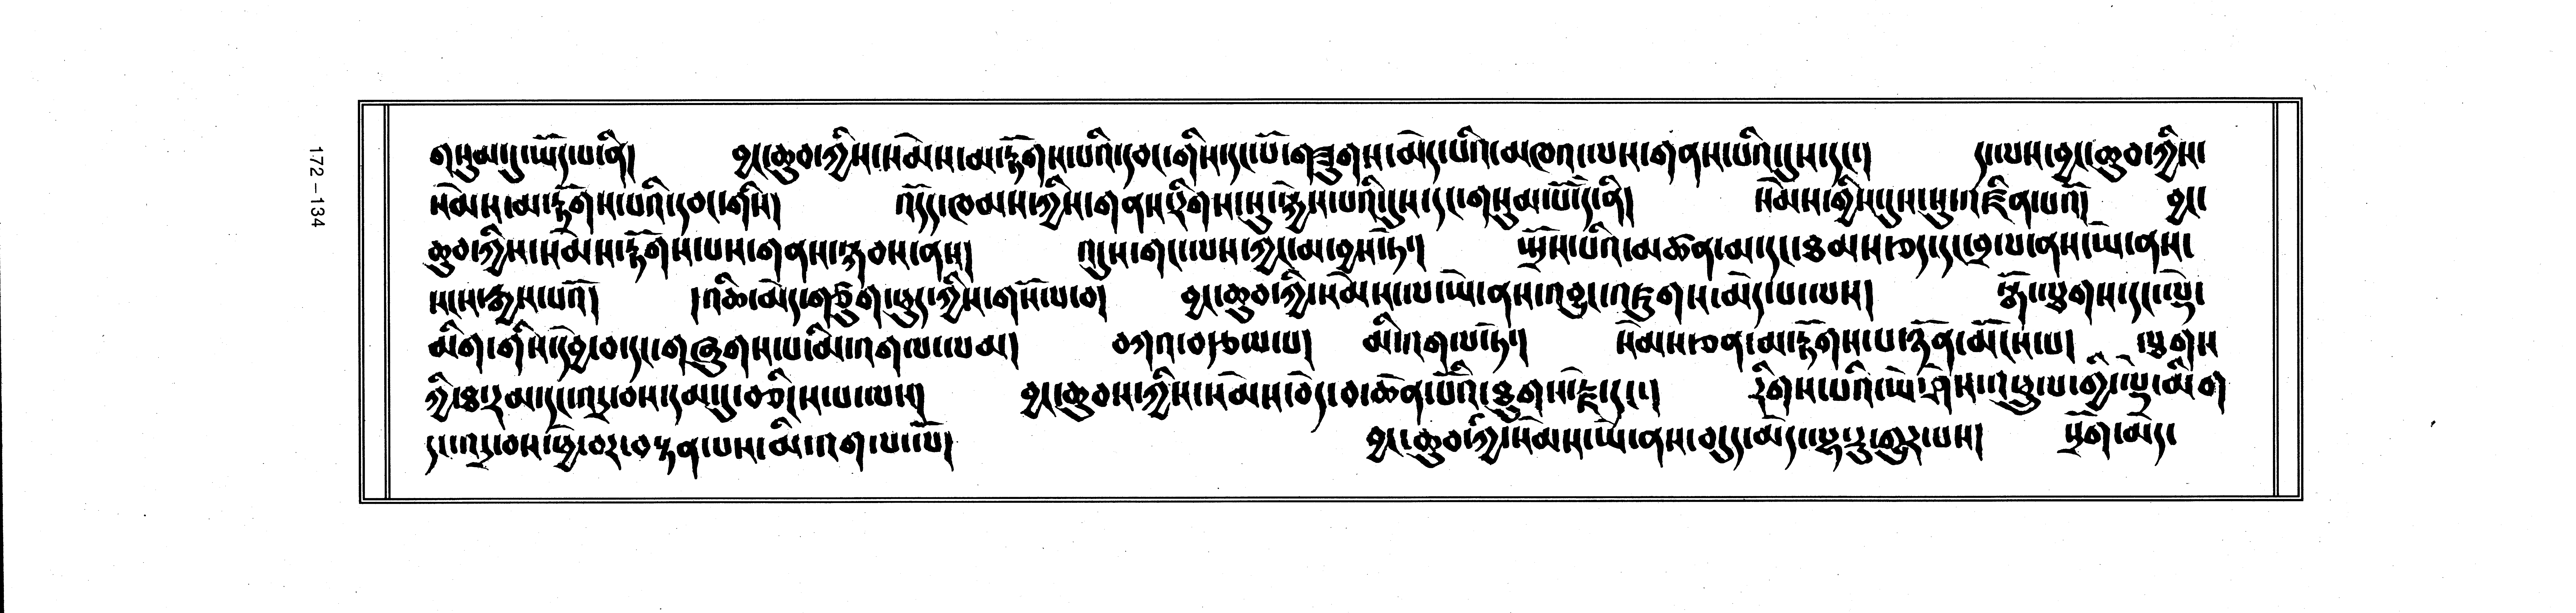གསུམ་དུ་ཡོད་པ་ནི། བྱང་ཆུབ་ཀྱི་སེམས་མ་རྟོགས་པའི་དབང་གིས་དང་པོ་གཟུགས་མེད་པའི་མཁའ་ལས་གནས་པའི་དུས་དང་། ད་ལས་བྱང་ཆུབ་ཀྱིས་
སེམས་མ་རྟོགས་པའི་དབང་གིས། འདོད་ཁམས་ཀྱིས་གནས་རིགས་སུ་སྐྱེས་པའི་དུས་དང་གསུམ་པོ་དེ་ནི། སེམས་གྱིས་དུས་སུ་འཛིན་པའོ། བྱང་
ཆུབ་ཀྱིས་སེམས་རྟོགས་པས་གནས་སྐབས་ནས། འདུས་གང་ལས་ཀྱང་མ་བྱས་ཏེ། སྤྲོས་པའི་མཚན་མ་དང་ཐམས་ཅད་དང་བྲལ་ནས་ཡེ་ནས་
སངས་རྒྱས་པའོ། འཆི་མེད་གཙུག་ཕུད་ཀྱིས་གསོལ་བ། བྱང་ཆུབ་ཀྱི་སེམས་ལ་ཡེ་ནས་འབྱུང་འཇུགས་མེད་པ་ལས། སྒོ་ལྕགས་དང་ལྡེ་
མིག་གིས་དབྱེ་བ་དང་གཞུགས་པ་མི་འགལ་ལམ། བཀའ་བསྩལ་པ། མི་འགལ་ཏེ། སེམས་ཅན་མ་རྟོགས་པ་ཉོན་མོངས་པ། ལྕགས་
ཀྱི་ཐ་རམ་དང་འདྲ་བས་དམ་དུ་བཅིངས་པ་ལས། བྱང་ཆུབ་ཀྱིས་སེམས་བདེ་བ་ཆེན་པོའི་ཐུགས་རྗེ་དང་། རིགས་པའི་ཡེ་ཤེས་འཕྲུལ་གྱི་ལྡེ་མིག་
དང་འདྲ་བས་ཕྱེ་བར་བསྟན་པས་མི་འགལ་ལོ། བྱང་ཆུབ་ཀྱི་སེམས་ཡེ་ནས་བདུད་མེད་ལྷ་རུ་གྱུར་པས། སྲོག་མེད་